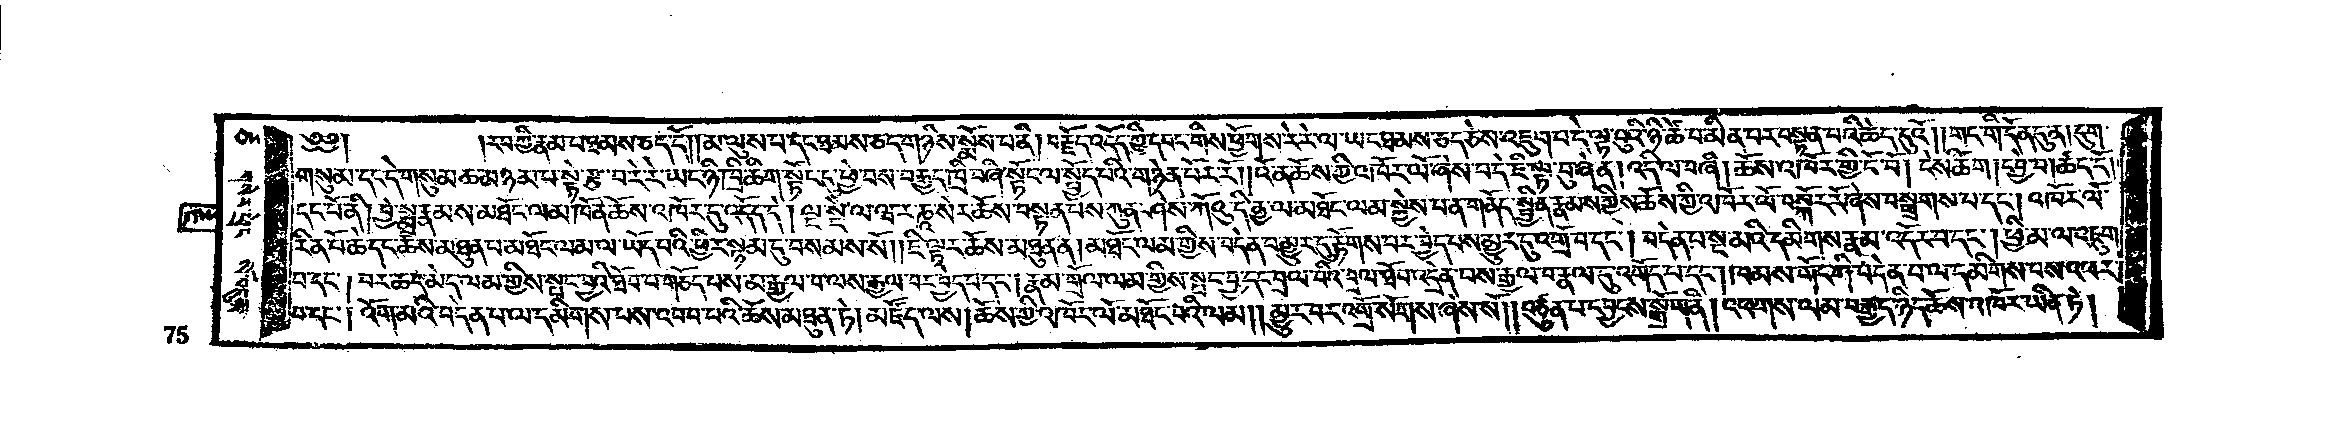༄༅། །རབ་ཀྱི་རྣམ་པ་ཐམས་ཅད་དོ། །མ་ལུས་པ་དང་ཐམས་ཅད་གཉིས་སྨོས་པ་ནི། བརྗོད་འདོད་ཀྱི་དབང་གིས་ཕྱོགས་རེ་རེ་ལ་ཡང་ཐམས་ཅད་ཅེས་འཇུག་པ་དེ་ལྟ་བུའི་ཉི་ཚེ་བ་མིན་པར་བསྟན་པའི་ཆེད་དུའོ། །གང་གི་དོན་དུ་ན། དུག་
གསུམ་དང་དེ་གསུམ་ཆ་མཉམ་པ་སྟེ་རྩ་བ་རེ་རེ་ཡང་ཉི་ཁྲི་ཆིག་སྟོང་དུ་ཕྱེ་བས་བརྒྱད་ཁྲི་བཞི་སྟོང་ལ་སྤྱོད་པའི་གཉེན་པོར་རོ། །འོ་ན་ཆོས་ཀྱི་འཁོར་ལོ་ཞེས་པ་དེ་ཇི་ལྟ་བུ་ཞེ་ན། འདི་ལ་བཞི། ཆོས་འཁོར་གྱི་ངོ་བོ། ངེས་ཚིག །དབྱེ་བ། ཚད་དོ།
དང་པོ་ནི། བྱེ་སྨྲ་རྣམས་མཐོང་ལམ་ཁོ་ན་ཆོས་འཁོར་དུ་འདོད་དེ། ལྔ་སྡེ་ལ་ཝ་ར་ཎཱ་སེར་ཆོས་བསྟན་པས་ཀུན་ཤེས་ཀོའུ་དི་ནྱ་ལ་མཐོང་ལམ་སྐྱེས་པ་ན་གནོད་སྦྱིན་རྣམས་ཀྱིས་ཆོས་ཀྱི་འཁོར་ལོ་བསྐོར་རོ་ཞེས་བསྒྲགས་པ་དང་། འཁོར་ལོ་
རིན་པོ་ཆེ་དང་ཆོས་མཐུན་པ་མཐོང་ལམ་ལ་ཡོད་པའི་ཕྱིར་སྙམ་དུ་བསམས་སོ། །ཇི་ལྟར་ཆོས་མཐུན་ན། མཐོང་ལམ་གྱིས་བདེན་པ་མྱུར་དུ་རྟོགས་པར་བྱེད་པས་མྱུར་དུ་འགྲོ་བ་དང་། བདེན་པ་སྔ་མའི་དམིགས་རྣམ་འདོར་བ་དང་། ཕྱི་མ་ལ་འཇུག་
པ་དང་། བར་ཆད་མེད་ལམ་གྱིས་སྤང་བྱའི་ཐོབ་པ་གཅོད་པས་མ་རྒྱལ་བ་ལས་རྒྱལ་བར་བྱེད་པ་དང་། རྣམ་གྲོལ་ལམ་གྱིས་སྤང་བྱ་དང་བྲལ་བའི་བྲལ་ཐོབ་འདྲེན་པས་རྒྱལ་བ་རྣལ་དུ་འགོད་པ་དང་། ཁམས་གོང་གི་བདེན་པ་ལ་དམིགས་པས་འཕར་
བ་དང་། འོག་མའི་བདེན་པ་ལ་དམིགས་པས་འབབ་པའི་ཆོས་མཐུན་ཏེ། མཛོད་ལས། ཆོས་ཀྱི་འཁོར་ལོ་མཐོང་བའི་ལམ། །མྱུར་བར་འགྲོ་སོགས་ཞེས་སོ། །བཙུན་པ་དབྱངས་སྒྲོག་ནི། འཕགས་ལམ་བརྒྱད་ཉིད་ཆོས་འཁོར་ཡིན་ཏེ།